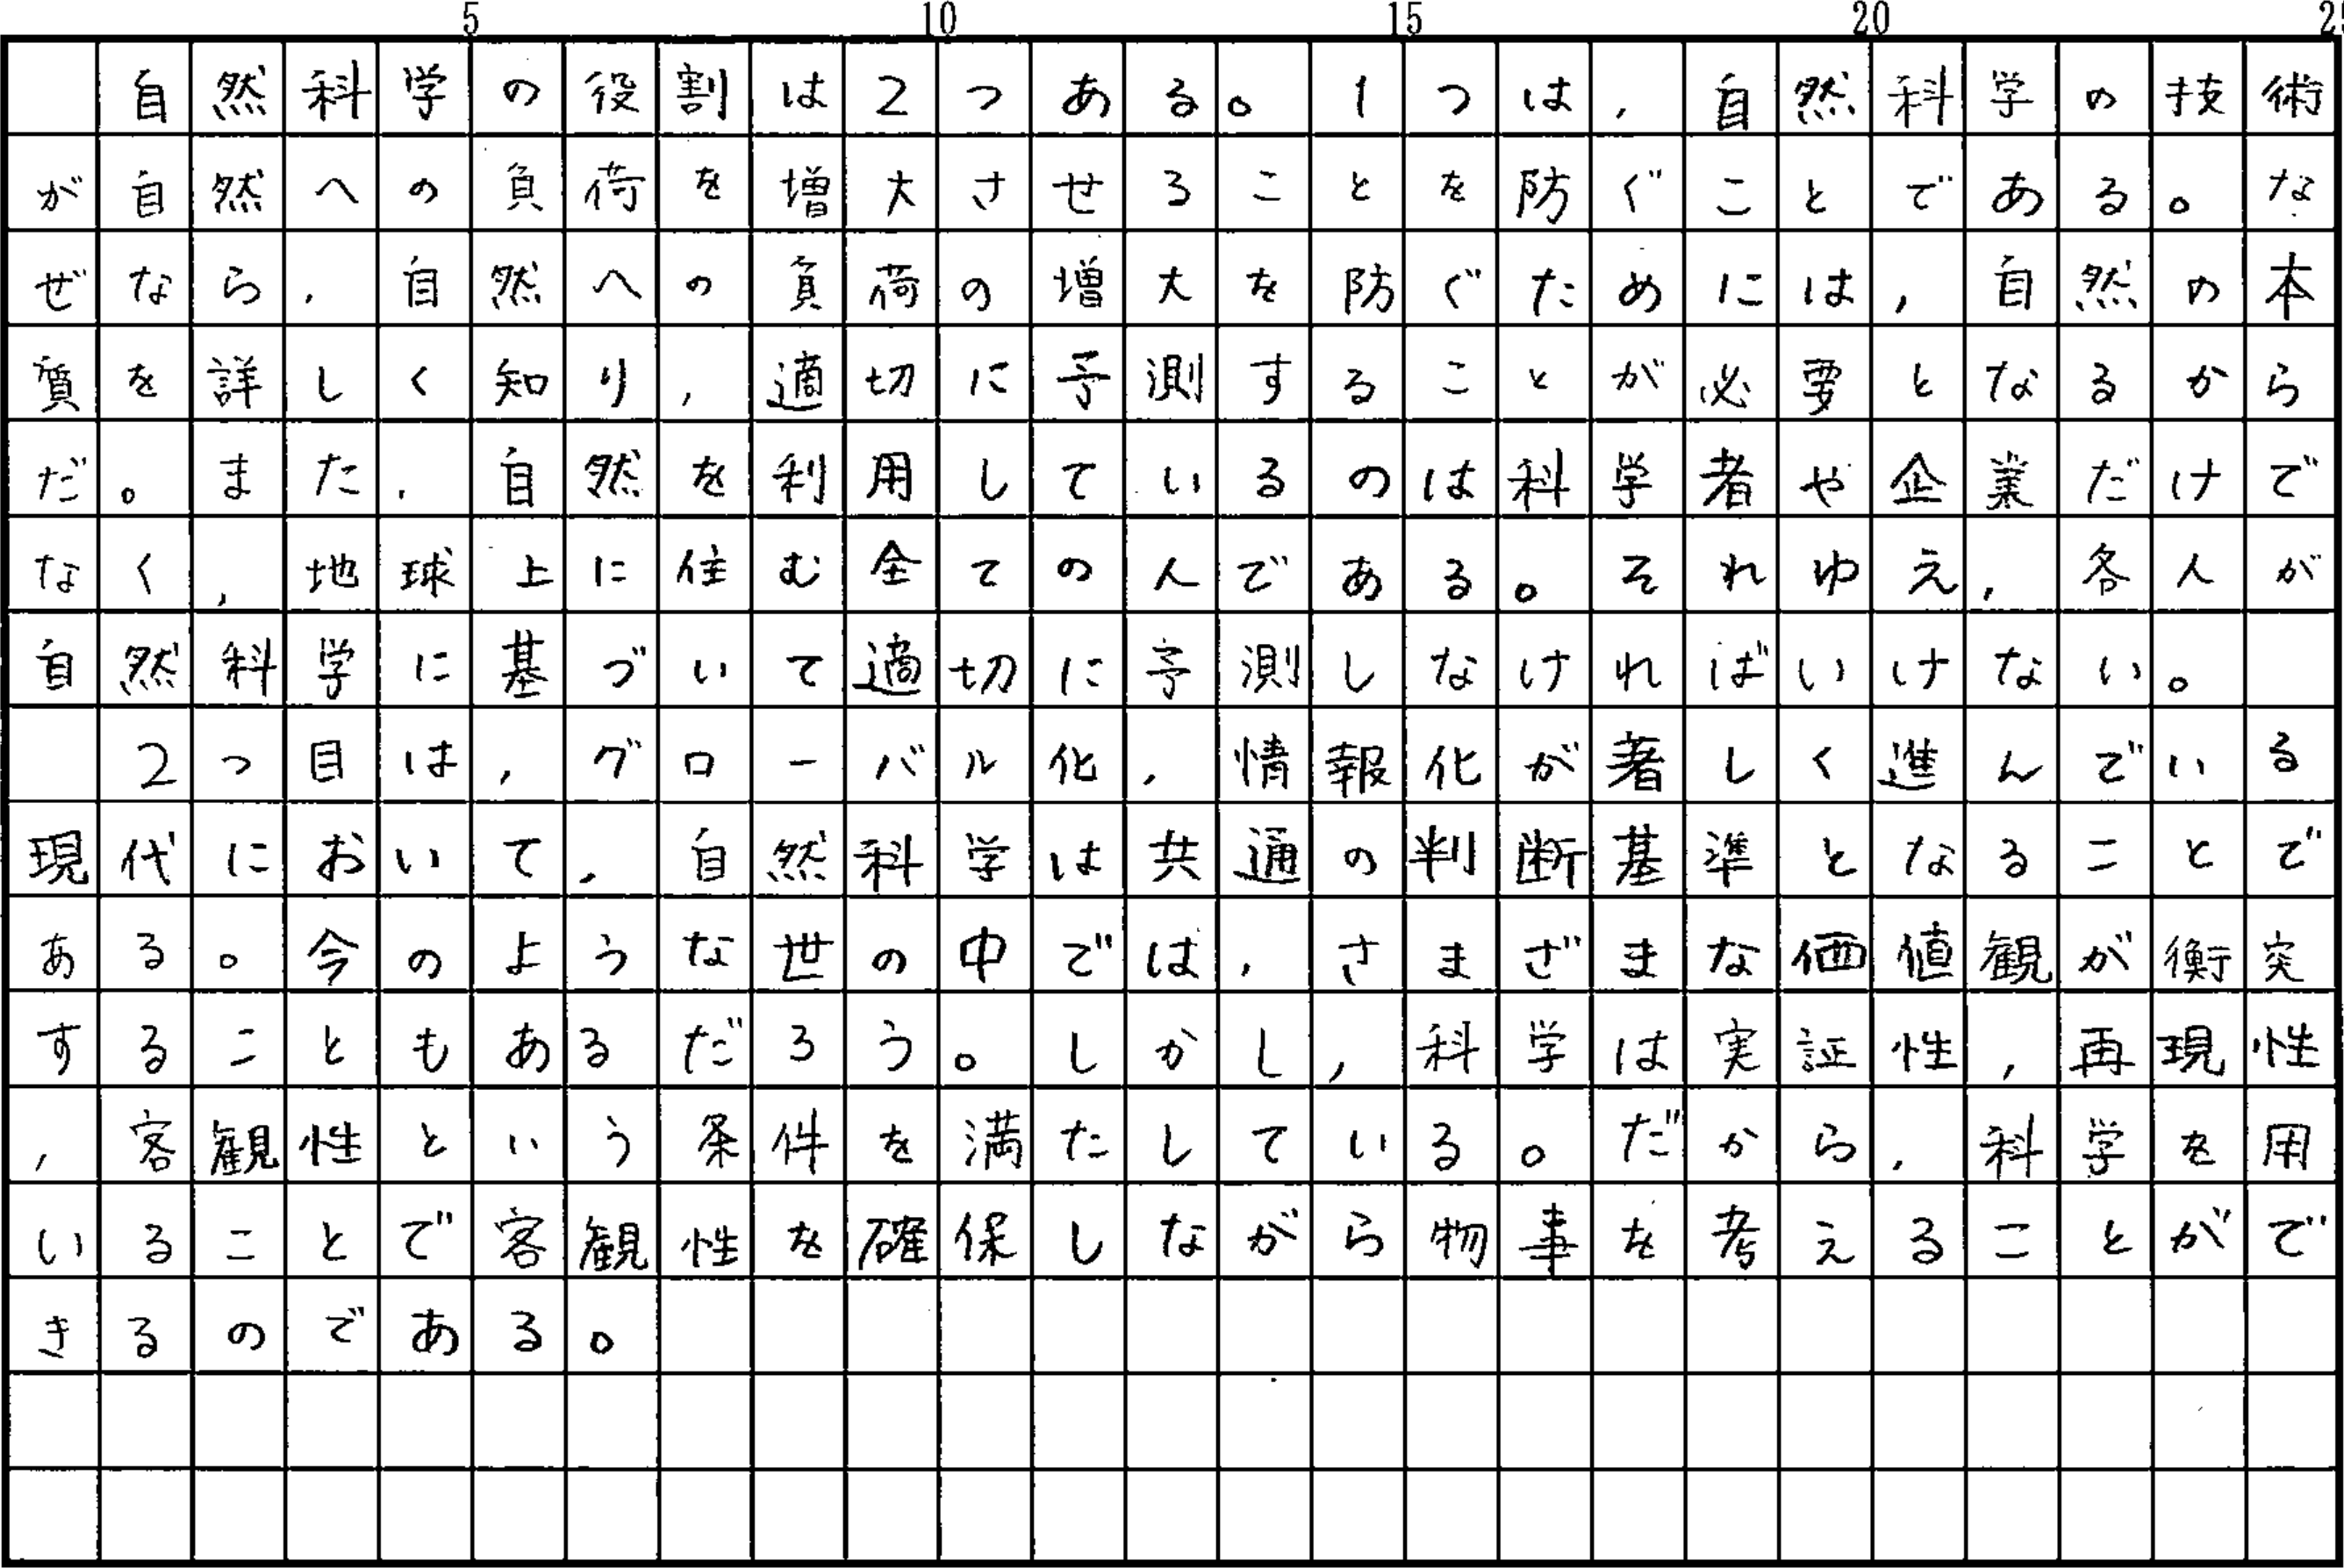　自然科学の役割は２つある。１つは、自然科学の技術が自然への負荷を増大させることを防ぐことである。なぜなら、自然への負荷の増大を防ぐためには、自然の本質を詳しく知り、適切に予測することが必要となるからだ。また、自然を利用しているのは科学者や企業だけでなく、地球上に住む全ての人である。それゆえ、各人が自然科学に基づいて適切に予測しなければいけない。
　２つ目は、グローバル化、情報化が著しく進んでいる現代において、自然科学は共通の判断基準となることである。今のような世の中では、さまざまな価値観が衡突することもあるだろう。しかし、科学は実証性、再現性、客観性という条件を満たしている。だから、科学を用いることで客観性を確保しながら物事を考えることができるのである。
